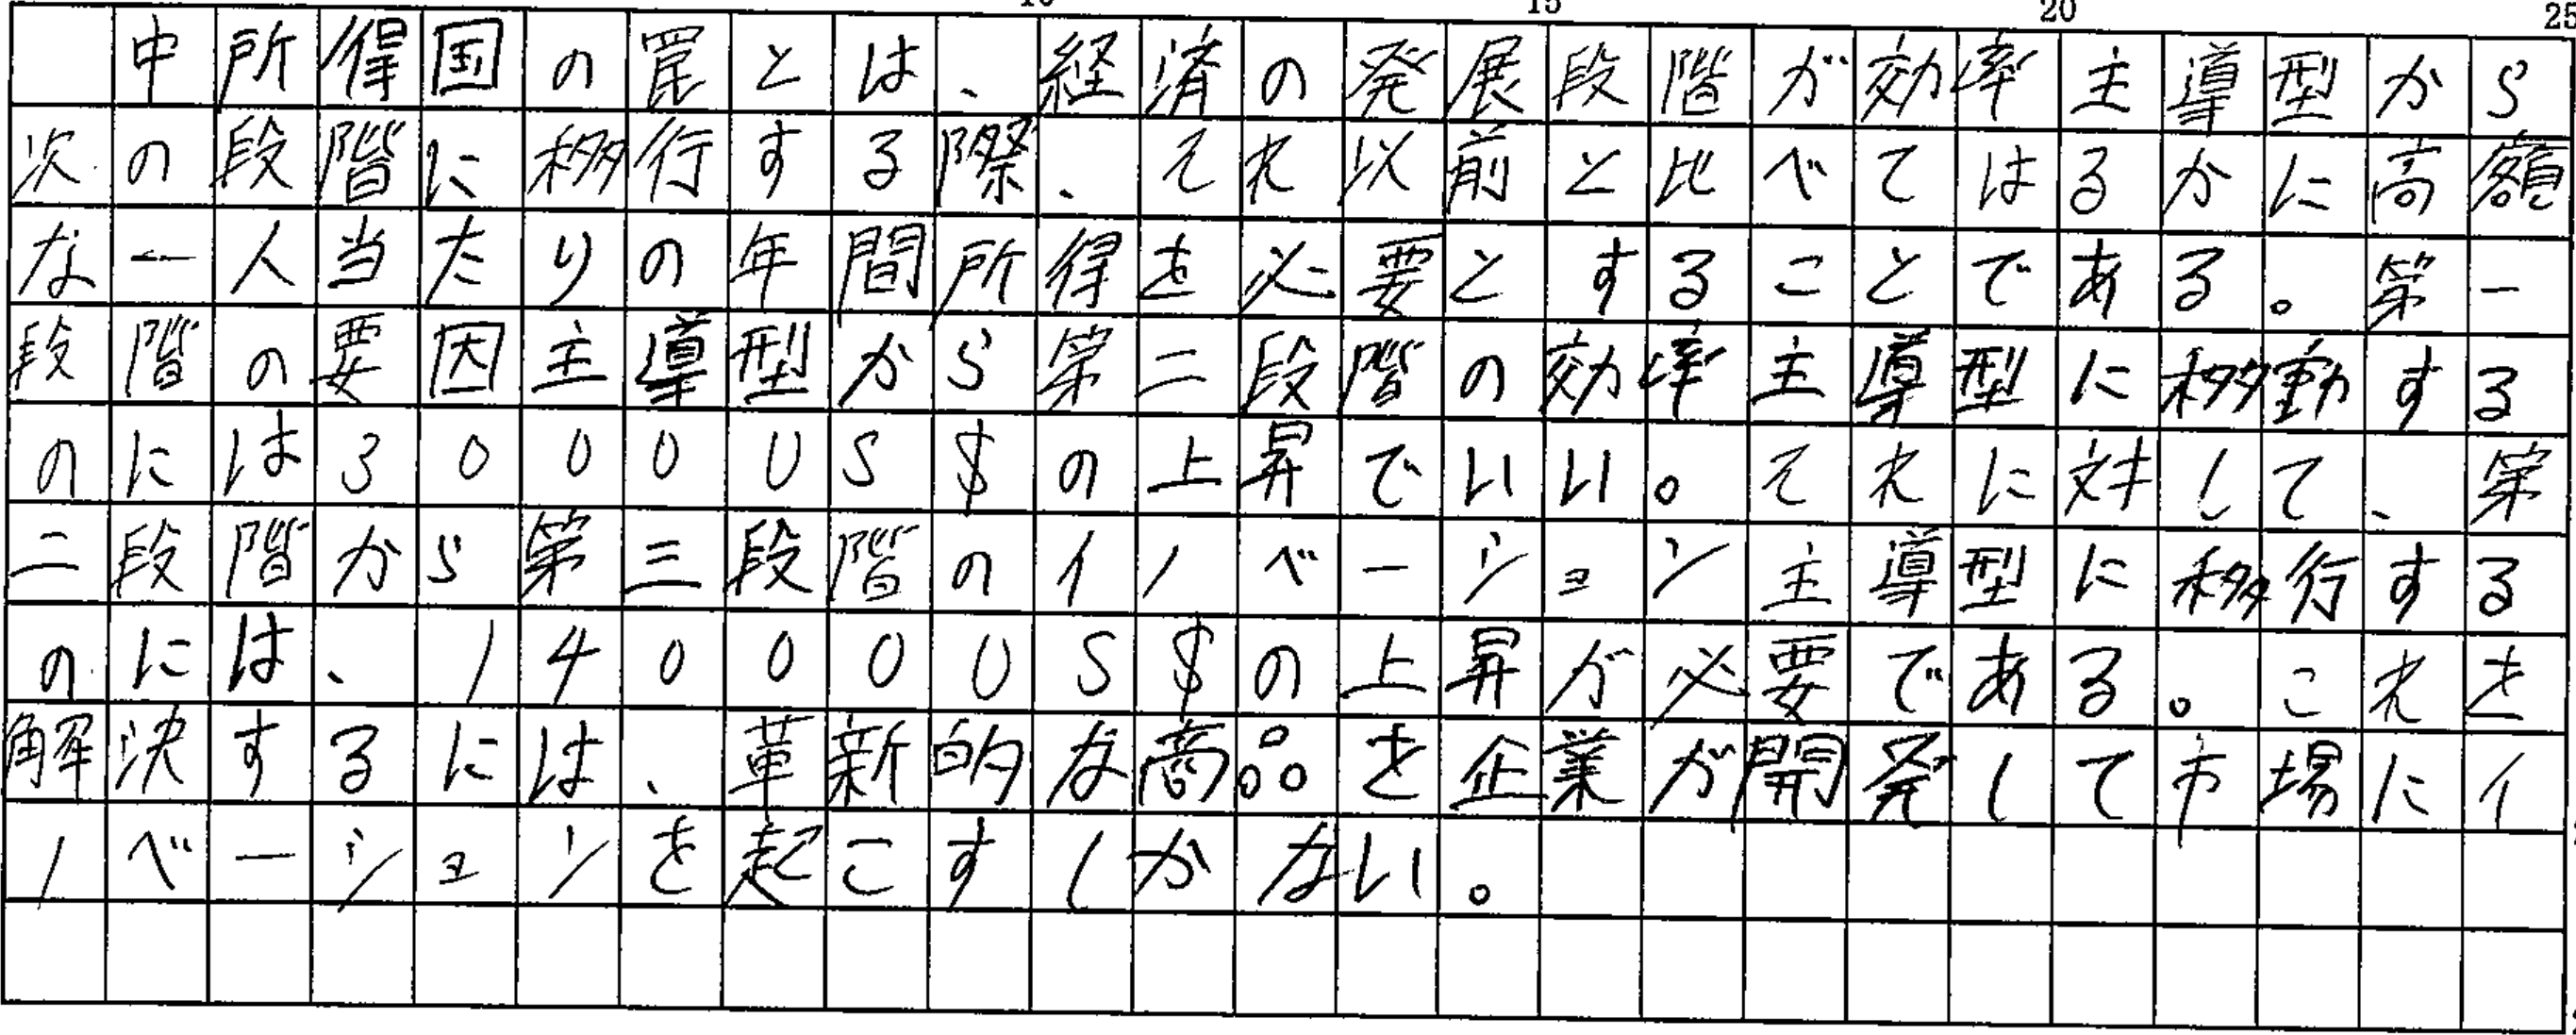　中所得国の罠とは、経済の発展段階が効率主導型から次の段階に移行する際、それ以前と比べてはるかに高額な一人当たりの年間所得を必要とすることである。第一段階の要因主導型から第二段階の効率主導型に移動するのには３０００ＵＳ＄の上昇でいい。それに対して、第二段階から第三段階のイノベーション主導型に移行するのには、１４０００ＵＳ＄の上昇が必要である。これを解決するには、革新的な商品を企業が開発して市場にイノベーションを起こすしかない。
